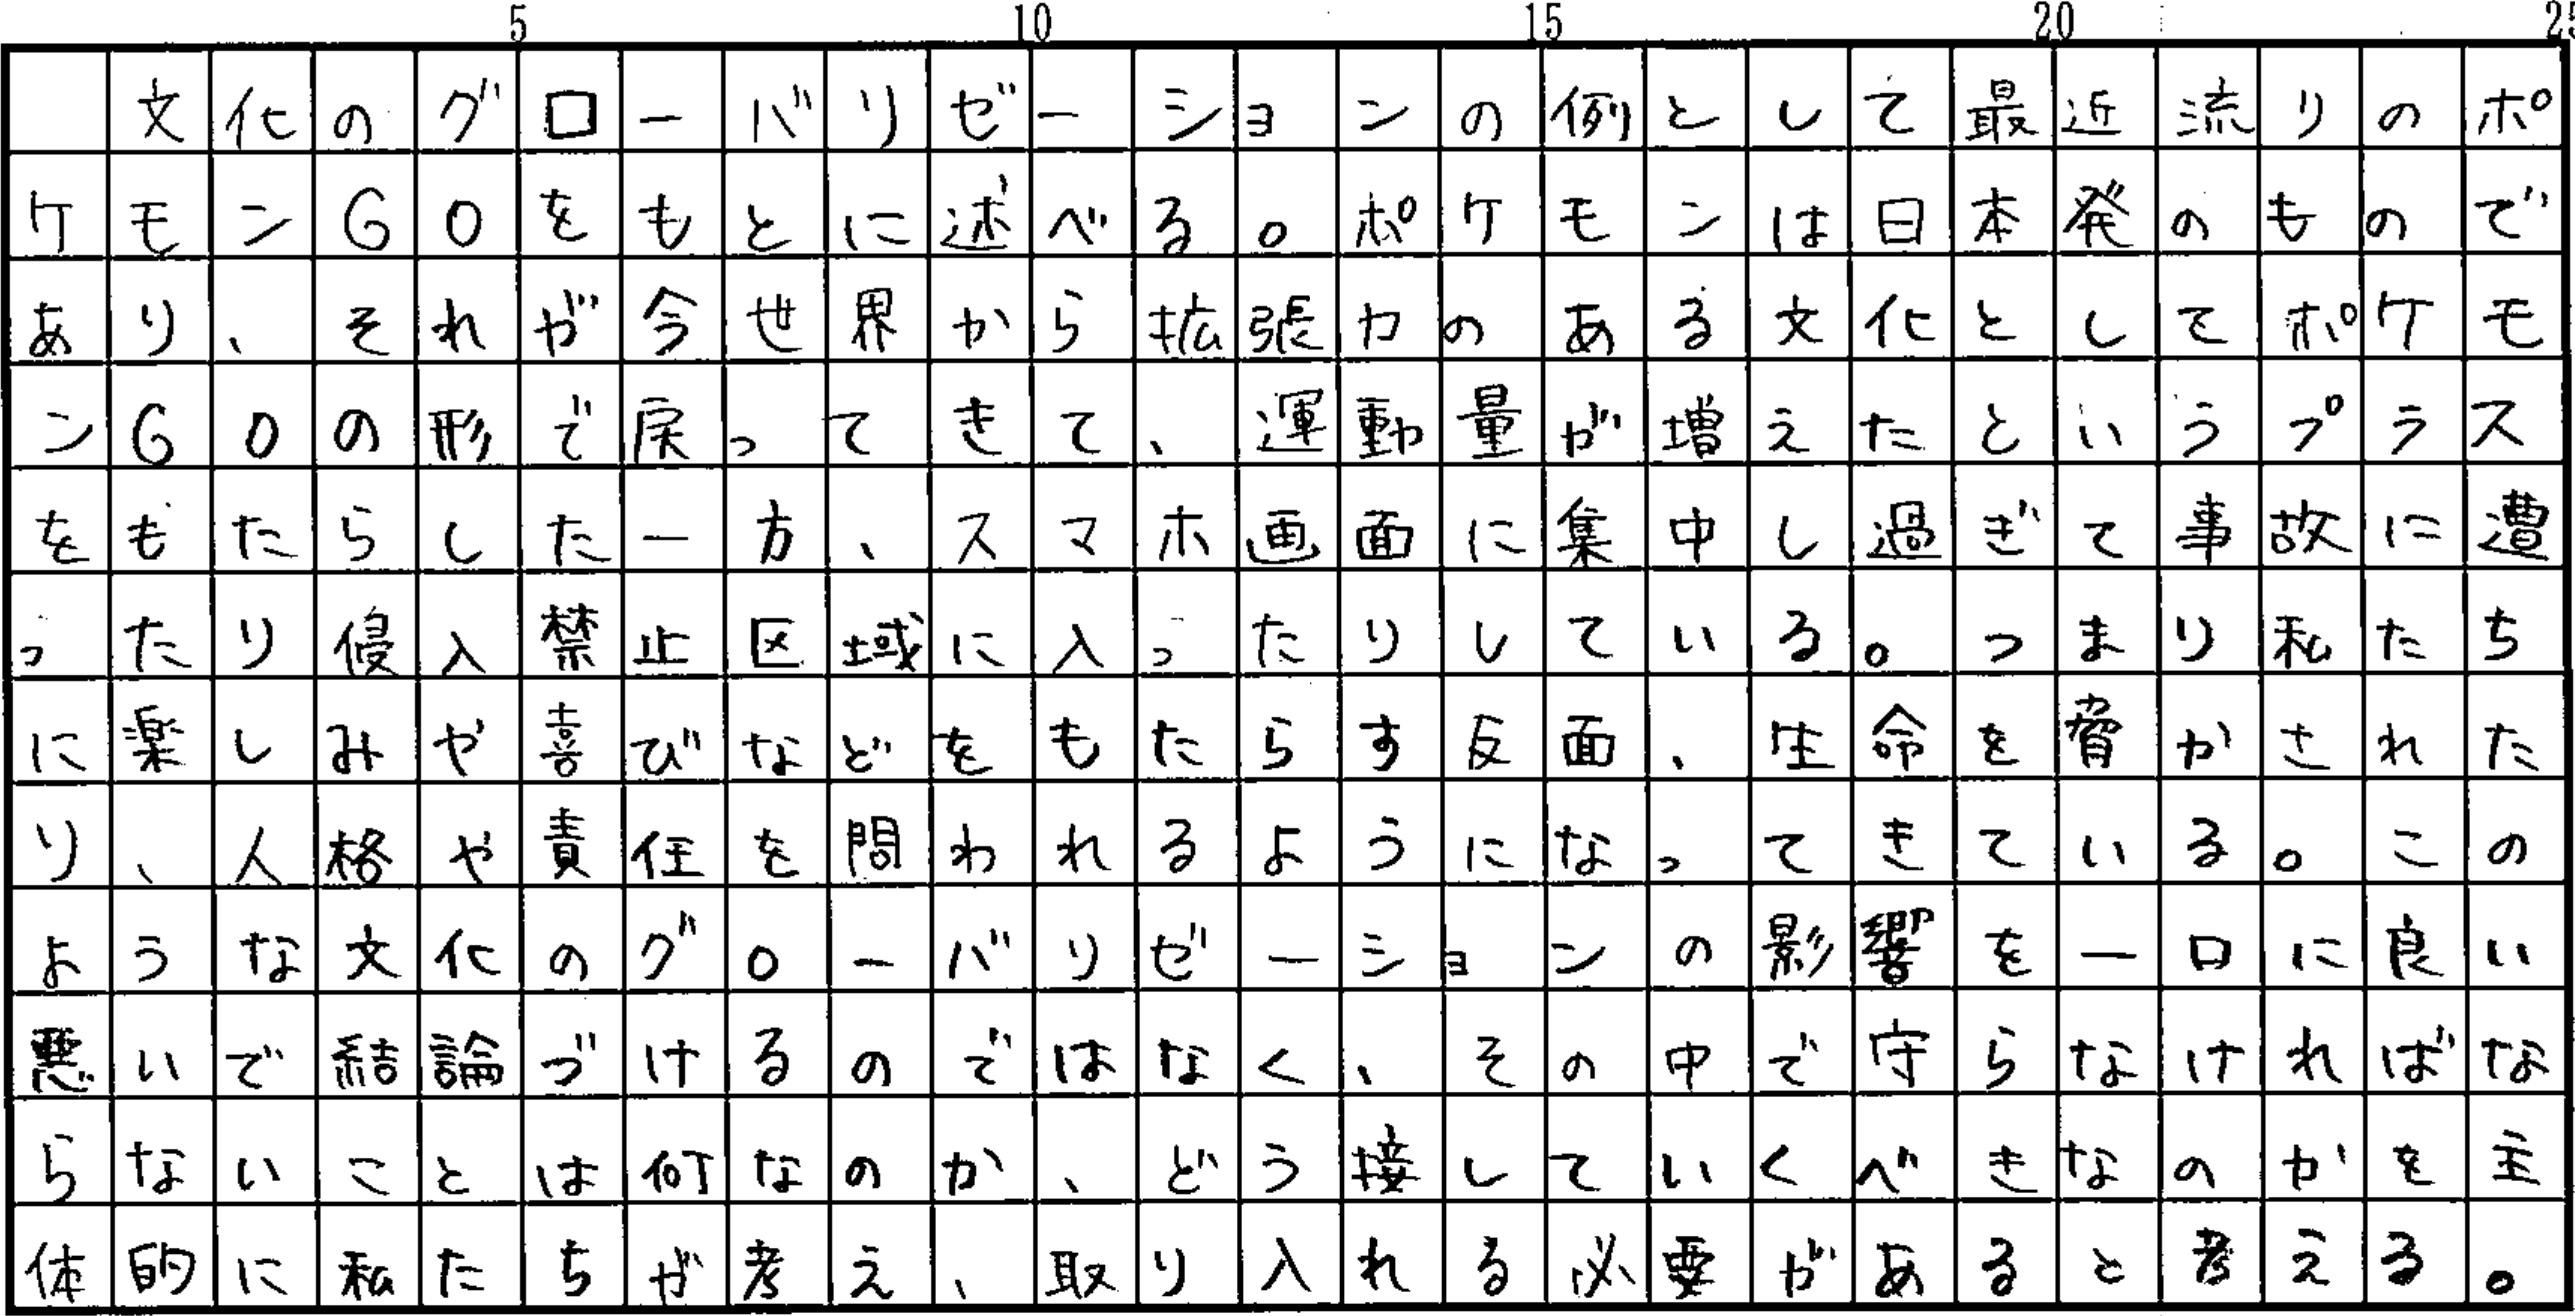　文化のグローバリゼーションの例として最近流りのポケモンＧＯをもとに述べる。ポケモンは日本発のものであり、それが今世界から拡張力のある文化としてポケモンＧＯの形で戻ってきて、運動量が増えたというプラスをもたらした一方、スマホ画面に集中し過ぎて事故に遭ったり侵入禁止区域に入ったりしている。つまり私たちに楽しみや喜びなどをもたらす反面、生命を脅かされたり、人格や責任を問われるようになってきている。このような文化のグローバリゼーションの影響を一口に良い悪いで結論づけるのではなく、その中で守らなければならないことは何なのか、どう接していくべきなのかを主体的に私たちが考え、取り入れる必要があると考える。
